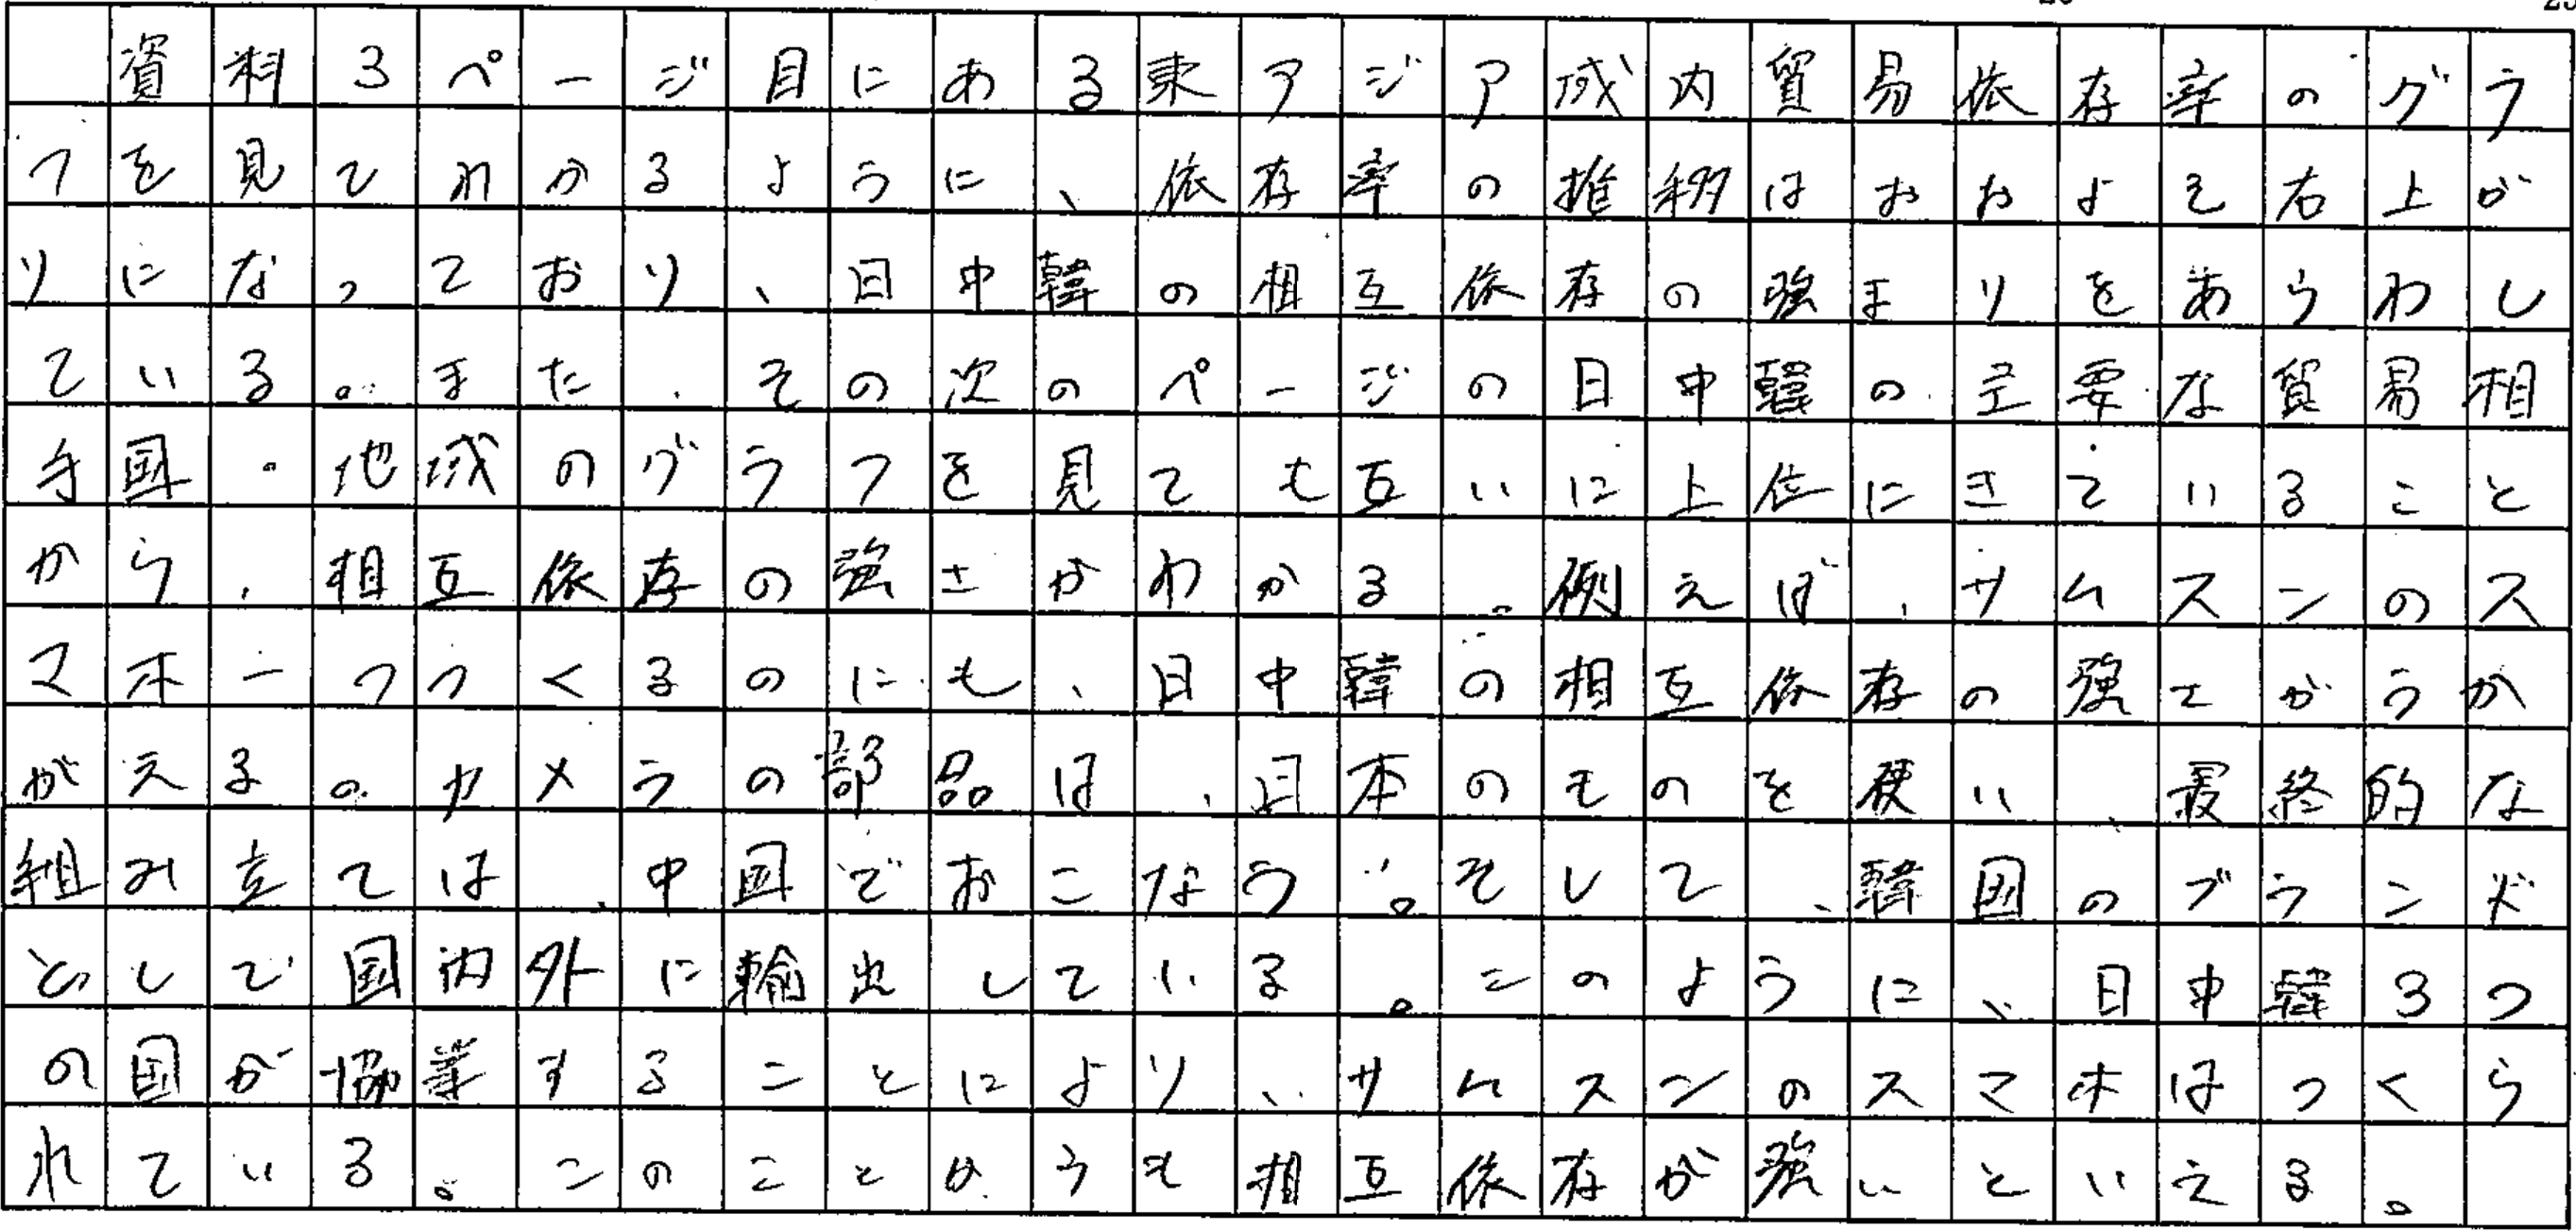　資料３ページ目にある東アジア域内貿易依存率のグラフを見てわかるように、依存率の推移はおおよそ右上がりになっており、日中韓の相互依存の強まりをあらわしている。また、その次のページの日中韓の主要な貿易相手国・地域のグラフを見ても互いに上位にきていることから、相互依存の強さがわかる。例えば、サムスンのスマホ一つつくるのにも、日中韓の相互依存の強さがうかがえる。カメラの部品は、日本のものを使い、最終的な組み立ては、中国でおこなう。そして、韓国のブランドとして国内外に輸出している。このように、日中韓３つの国が協業することにより、サムスンのスマホはつくられている。このことからも相互依存が強いといえる。
